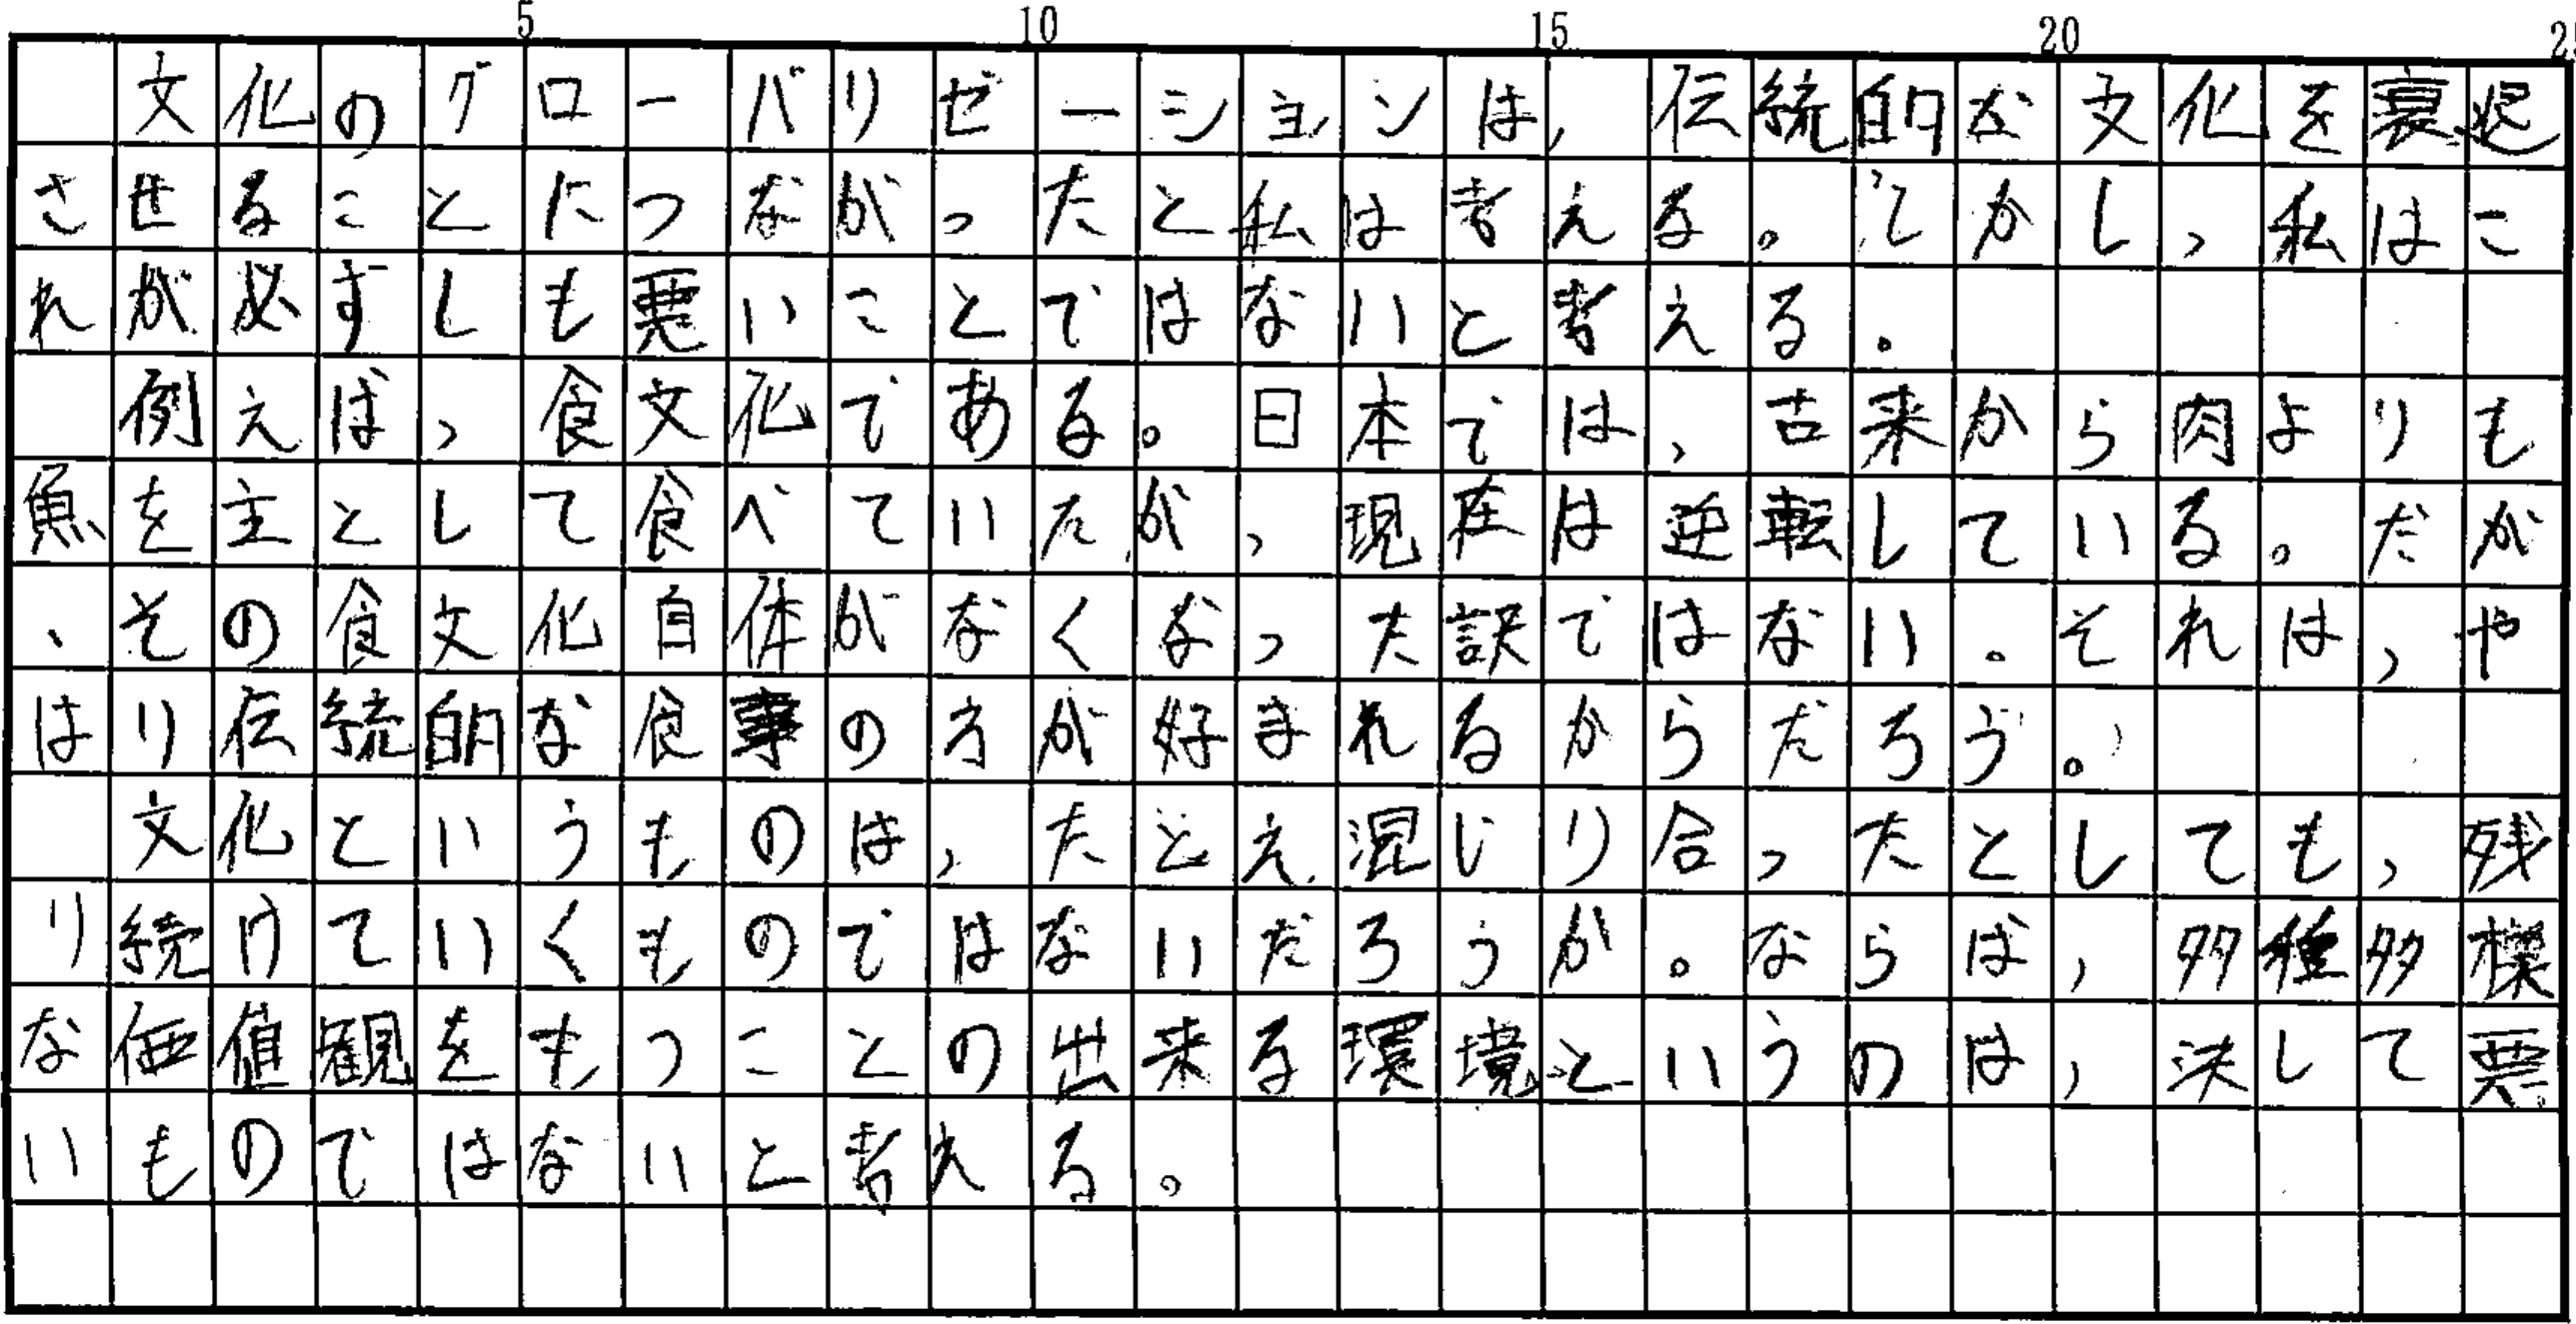　文化のグローバリゼーションは、伝統的な文化を衰退させることにつながったと私は考える。しかし、私はこれが必ずしも悪いことではないと考える。
　例えば、食文化である。日本では古来から肉よりも魚を主として食べていたが、現在は逆転している。だが、その食文化自体がなくなった訳ではない。それは、やはり伝統的な食事の方が好まれるからだろう。
　文化というものは、たとえ混じり合ったとしても、残り続けていくものではないだろうか。ならば、多種多様な価値観をもつことの出来る環境というのは、決して悪いものではないと考える。
